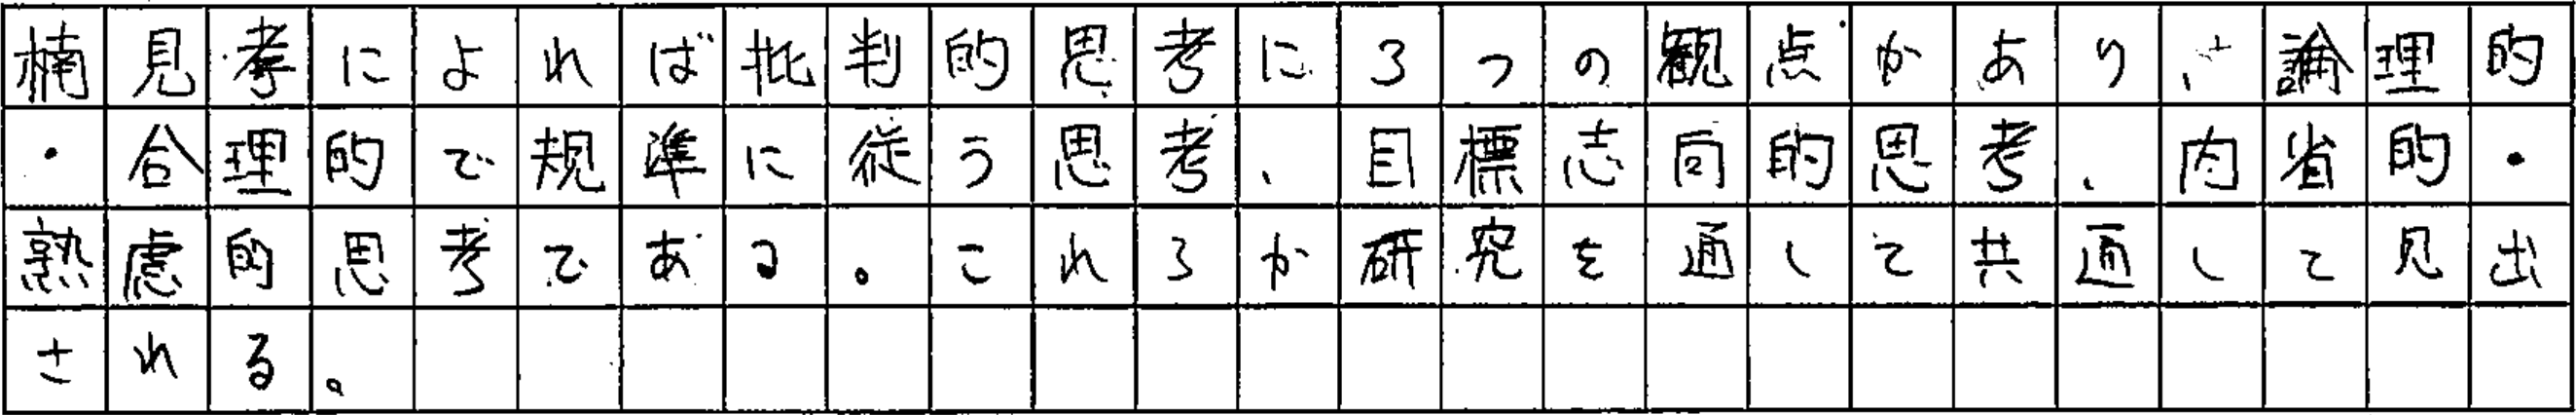楠見孝によれば批判的思考に３つの観点があり、論理的・合理的で規準に従う思考、目標志向的思考、内省的・熟慮的思考である。これらが研究を通して共通して見出される。
